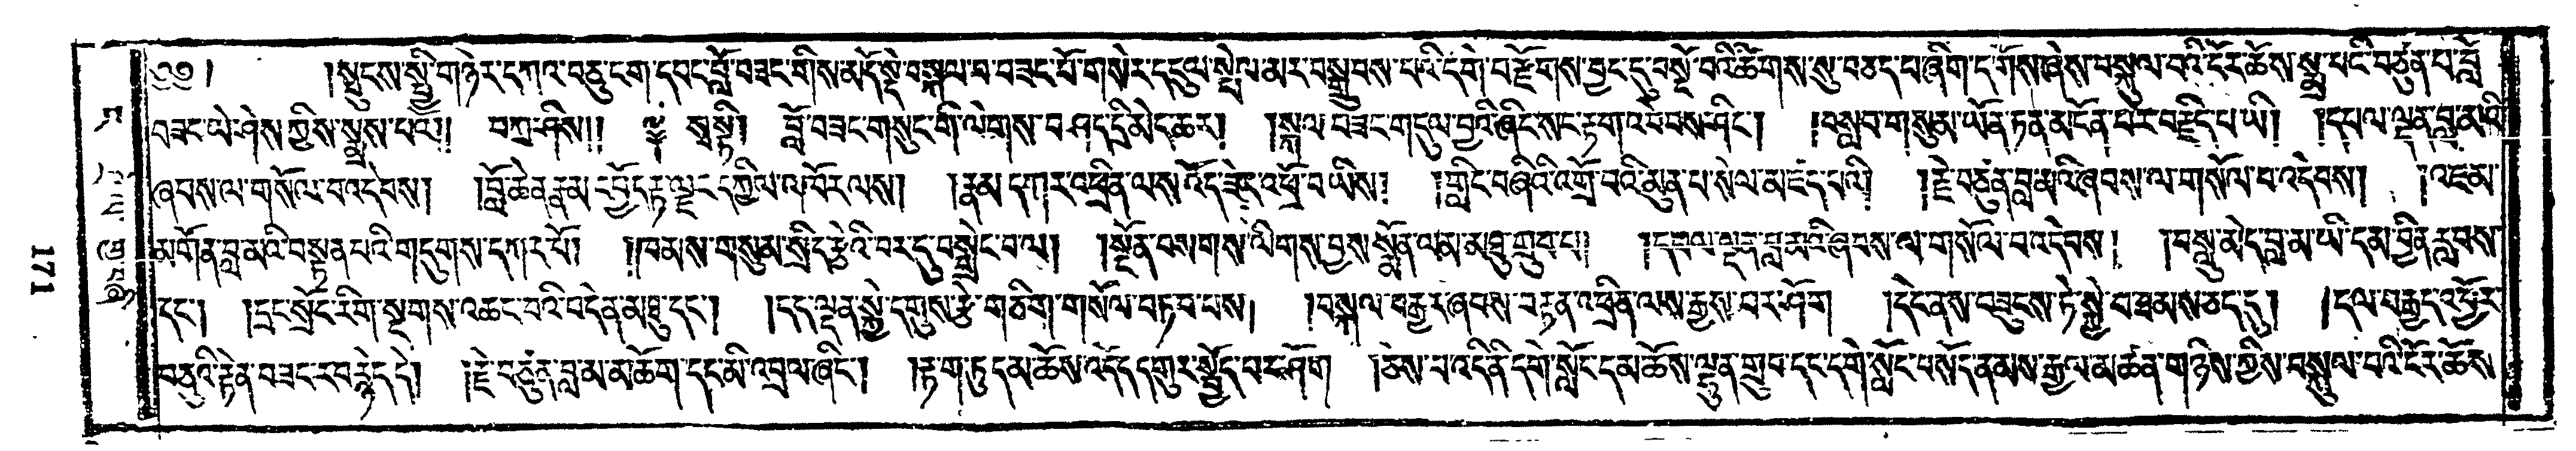༄༅། །སྦུངས་སྦྱི་གཉེར་དཀའ་བཅུ་ངག་དབང་བློ་བཟང་གིས་མདོ་སྡེ་བསྐལ་བ་བཟང་པོ་གསེར་དངུལ་སྤེལ་མར་བསྒྲུབས་པའི་དགེ་བ་རྫོགས་བྱང་དུ་བསྔོ་བའི་ཚིགས་སུ་བཅད་པ་ཞིག་དགོས་ཞེས་བསྐུལ་བའི་ངོར་ཆོས་སྨྲ་པའི་བཙུན་པ་བློ་
བཟང་ཡེ་ཤེས་ཀྱིས་སྨྲས་པའོ།། བཀྲ་ཤིས།། ༈ སྭསྟི། བློ་བཟང་གསུང་གི་ལེགས་བཤད་དྲི་མེད་ཆར། །སྐལ་བཟང་གདུལ་བྱའི་ཞིང་སང་རྟག་འབེབས་ཤིང་། །བསླབ་གསུམ་ཡོན་ཏན་མངོན་བར་བརྗིད་པ་ཡི། །དཔལ་ལྡན་བླ་མའི་
ཞབས་ལ་གསོལ་བ་འདེབས། །བློ་ཆེན་རྣམ་དབྱོད་རྟ་ལྗང་དཀྱིལ་འཁོར་ལས། །རྣམ་དཀར་འཕྲིན་ལས་འོད་ཟེར་འཕྲོ་བ་ཡིས། །གླིང་བཞིའི་འགྲོ་བའི་མུན་པ་སེལ་མཛད་པའི། །རྗེ་བཙུན་བླ་མའི་ཞབས་ལ་གསོལ་བ་འདེབས། །འཇམ་
མགོན་བླ་མའི་བསྟན་པའི་གདུགས་དཀར་པོ། །ཁམས་གསུམ་སྲིད་རྩེའི་བར་དུ་བསྒྲེང་བ་ལ། །སྔོན་བསགས་ལེགས་བྱས་སྨོན་ལམ་མཐུ་གྲུབ་པ། །དཔལ་ལྡན་བླ་མའི་ཞབས་ལ་གསོལ་བ་འདེབས། །བསླུ་མེད་བླ་མ་ཡི་དམ་བྱིན་རླབས་
དང་། །དྲང་སྲོང་རིག་སྔགས་འཆང་བའི་བདེན་མཐུ་དང་། །དད་ལྡན་སྐྱེ་དགུས་རྩེ་གཅིག་གསོལ་བཏབ་པས། །བསྐལ་བརྒྱར་ཞབས་བརྟན་འཕྲིན་ལས་རྒྱས་པར་ཤོག །དེང་ནས་བཟུངས་ཏེ་སྐྱེ་བ་ཐམས་ཅད་དུ། །དལ་བརྒྱད་འབྱོར་
བཅུའི་རྟེན་བཟང་རབ་རྙེད་དེ། །རྗེ་བཙུན་བླ་མ་མཆོག་དང་མི་འབྲལ་ཞིང་། །རྟ་ག་ཏུ་དམ་ཆོས་འདོད་དགུར་སྤྱོད་པར་ཤོག །ཅེས་པ་འདི་ནི་དགེ་སློང་དམ་ཆོས་ལྷུན་གྲུབ་དང་དགེ་སློང་བསོད་ནམས་རྒྱལ་མཚན་གཉིས་ཀྱིས་བསྐུལ་པའི་ངོར་ཆོས་